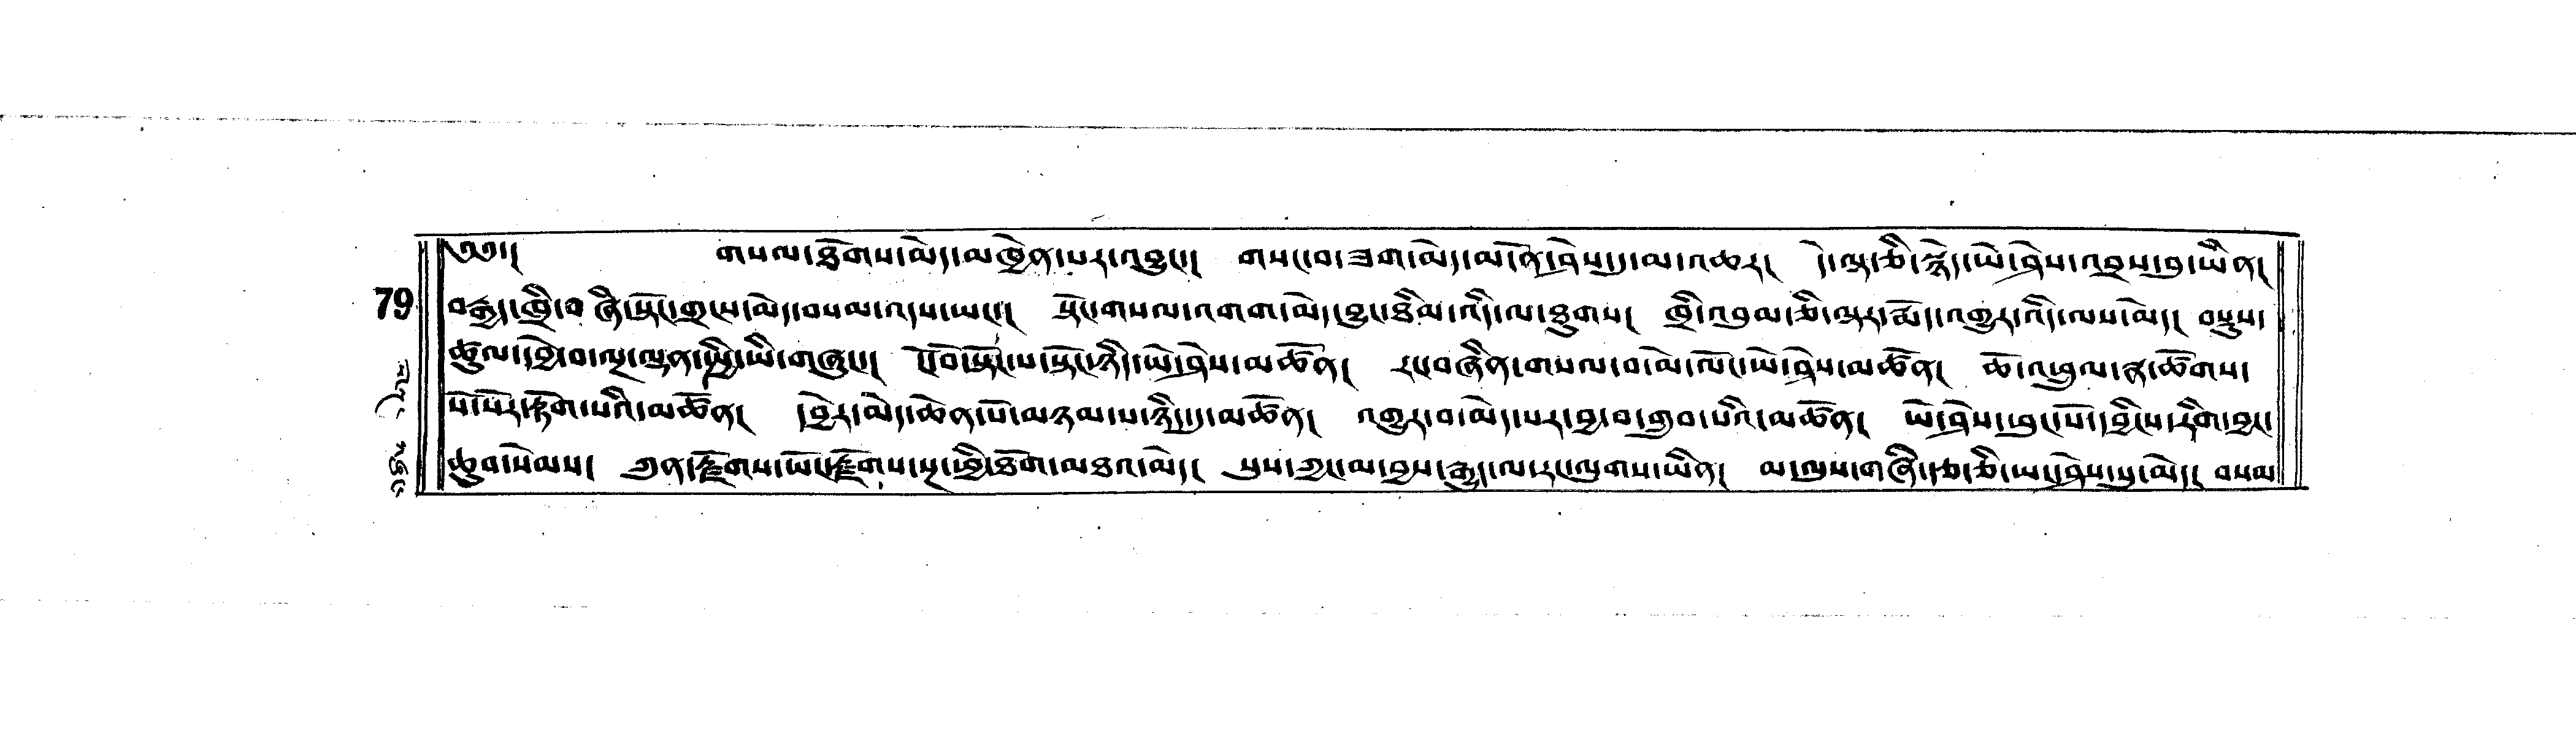གསལ་ཐོགས་མེད་མཁྱེན་པར་འབྱུང་། གསང་བ་ཟག་མེད་མངོན་ཤེས་དུ་མ་འཆར། དེ་ལྟ་ཅི་སྙེད་ཡེ་ཤེས་འབྲས་བུ་ཡིན། 
བརྒྱད་ཁྲི་བཞི་སྟོང་གྲངས་མེད་བསམ་འདས་ཡང་། སྟོང་གསལ་འགག་མེད་བྱུང་ཐིམ་འདི་ལ་ཐུག ཁྲི་འབུམ་ཅི་ལྟར་སྨོད་འགྱུར་འདི་ལས་མེད། བསྡུས་
ཚུལ་དབྱེ་བ་ལྔ་ལྡན་སྤྱི་ཡི་གཞུང་། ངོ་བོ་སྟོང་པ་སྟོང་ཉིད་ཡེ་ཤེས་མཚོན། རང་བཞིན་གསལ་བ་མེ་ལོང་ཡེ་ཤེས་མཚོན། ཆོ་འཕྲུལ་སྣ་ཚོགས་
སོར་རྟོགས་ཡེ་ཤེས་མཚོན། དབྱེར་མེད་ཆེན་པོ་མཉམ་པ་ཉིད་དུ་མཚོན། འགྱུར་བ་མེད་པ་བྱ་བ་གྲུབ་པ་མཚོན། ཡེ་ཤེས་ཕུང་པོ་དབྱིངས་རིགས་བྱང་
ཆུབ་སེམས། ཀུན་རྫོགས་ཡོངས་རྫོགས་སྔ་ཕྱི་ཐོག་མཐའ་མེད། སུས་ཀྱང་མ་བྱས་རྒྱུད་ལ་རང་ལུགས་ཡིན། མ་ལུས་གཞི་རྩ་ཅི་ཡང་ཤེས་སུ་མེད། བསམ་